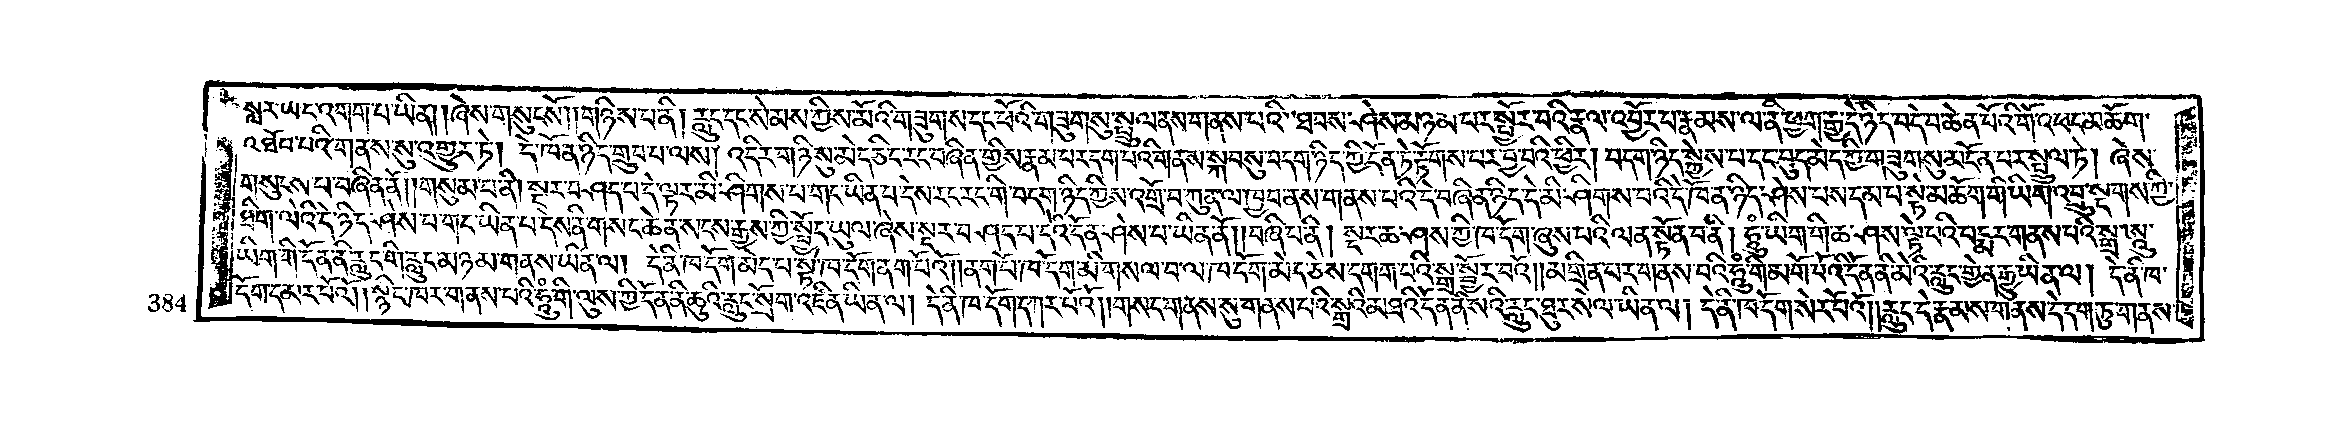སླར་ཡང་འགག་པ་ཡིན། །ཞེས་གསུངས་སོ། །གཉིས་པ་ནི། རླུང་དང་སེམས་ཀྱིས་མོའི་གཟུགས་དང་ཕོའི་གཟུགས་སུ་སྤྲུལ་ནས་གནས་པའི་ཐབས་ཤེས་མཉམ་པར་སྦྱོར་བའི་རྣལ་འབྱོར་པ་རྣམས་ལ་ནི་ཕྱག་རྒྱ་དེ་ཉིད་བདེ་བ་ཆེན་པོའི་གོ་འཕང་མཆོག་
འཐོབ་པའི་གནས་སུ་འགྱུར་ཏེ། དེ་ཁོ་ན་ཉིད་གྲུབ་པ་ལས། འདིར་གཉིས་སུ་མེད་ཅིང་རང་བཞིན་གྱིས་རྣམ་པར་དག་པའི་གནས་སྐབས་སུ་བདག་ཉིད་ཀྱི་དོན་ཏེ་རྟོགས་པར་བྱ་བའི་ཕྱིར། བདག་ཉིད་སྐྱེས་པ་དང་བུད་མེད་ཀྱི་གཟུགས་སུ་མངོན་པར་སྤྲུལ་ཏེ། ཞེས་
གསུངས་པ་བཞིན་ནོ། །གསུམ་པ་ནི། སྔར་བཤད་པ་དེ་ལྟར་མི་ཤིགས་པ་གང་ཡིན་པ་དེས་རང་རང་གི་བདག་ཉིད་ཀྱིས་འགྲོ་བ་ཀུན་ལ་ཁྱབ་ནས་གནས་པའི་དེ་བཞིན་ཉིད་དེ་མི་ཤིགས་པའི་དེ་ཁོ་ན་ཉིད་ཤེས་པས་དམ་པ་སྟེ་མཆོག་གི་ཡིག་འབྲུ་སྔགས་ཀྱི་
ཐིག་ལེའི་དེ་ཉིད་ཤེས་པ་གང་ཡིན་པ་དེས་ནི་གསང་ཆེན་སངས་རྒྱས་ཀྱི་སྤྱོད་ཡུལ་ཞེས་སྔར་བཤད་པ་དེའི་དོན་ཤེས་པ་ཡིན་ནོ། །བཞི་པ་ནི། སྔར་ཆ་ཤས་ཀྱི་ཁ་དོག་ཞུས་པའི་ལན་སྟོན་པ་ནི། ཧཱུཾ་ཡིག་གི་ཆ་ཤས་ལྟེ་པའི་པདམར་གནས་པའི་སྒྲ་ཨཱུ་
ཡིག་གི་དོན་ནི་རླུང་གི་རླུང་མཉམ་གནས་ཡིན་ལ། དེ་ནི་ཁ་དོག་མེད་པ་སྟེ་ཁ་དོག་ནག་པོའོ། །ནག་པོ་ཁ་དོག་མི་གསལ་བ་ལ་ཁ་དོག་མེད་ཅེས་དགག་པའི་སྒྲ་སྦྱོར་བའོ། །མགྲིན་པར་གནས་པའི་ཧཱུཾ་གི་མགོ་བོའི་དོན་ནི་མེའི་རླུང་གྱེན་རྒྱུ་ཡིན་ལ། དེ་ནི་ཁ་
དོག་དམར་པོའོ། །སྙིང་ཁར་གནས་པའི་ཧཱུཾ་གི་ལུས་ཀྱི་དོན་ནི་ཆུའི་རླུང་སྲོག་འཛིན་ཡིན་ལ། དེ་ནི་ཁ་དོག་དཀར་པོའོ། །གསང་གནས་སུ་གནས་པའི་སྒྲའི་མཐའི་དོན་ནི་སའི་རླུང་ཐུར་སེལ་ཡིན་ལ། དེ་ནི་ཁ་དོག་སེར་པོའོ། །རླུང་དེ་རྣམས་གནས་དེ་དག་ཏུ་གནས་